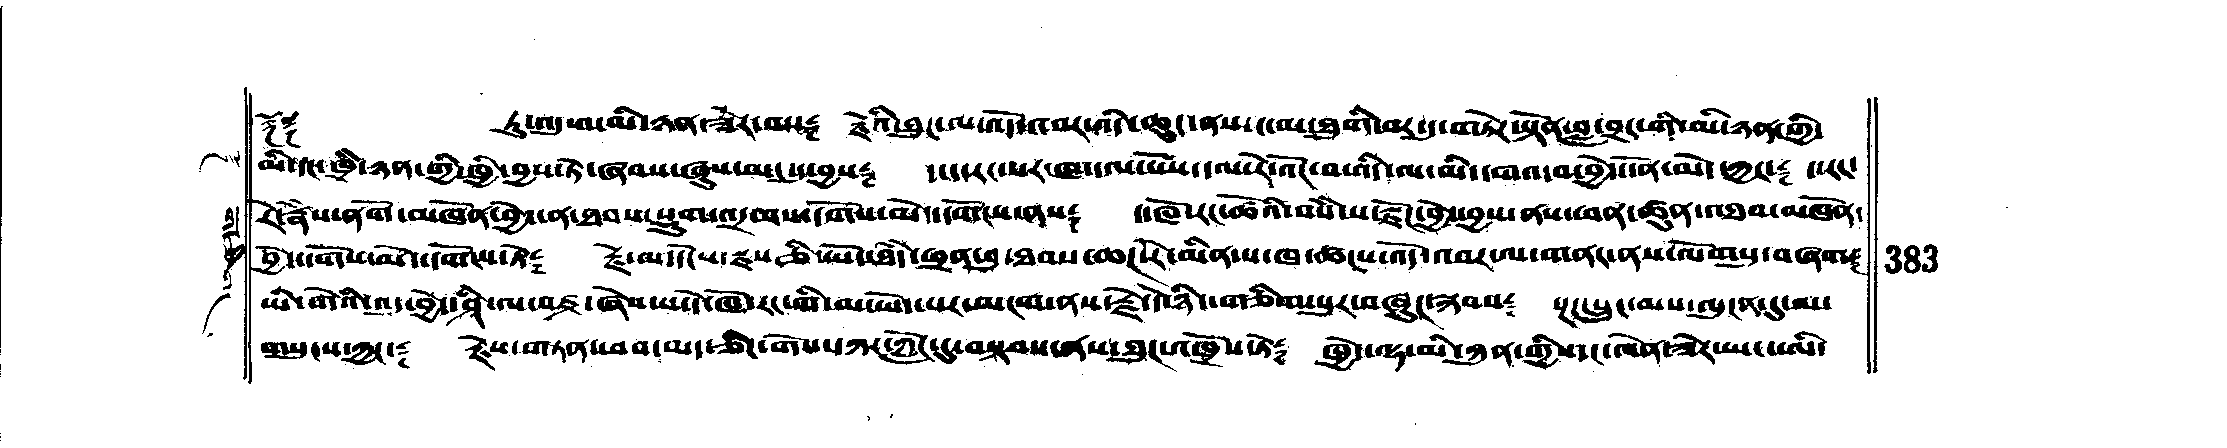ཏུ་འདུག་མི་ཉན་ཟེར་བས། རྗེའི་ཐུགས་ལ་འོད་འབར་འདི་ཆུང་ནས་ད་མ་ཐུག་གི་བར་དུ་གཏེར་སྟོན་བླ་བྲང་གི་མི་ཉན་གྱི་མི་དང་ཁྱི་ཉན་གྱི་
ཁྱི་བྱས་ཏེ་ཞབས་ཞུས་མང་དུ་བྱས། ད་རང་སར་ཁ་དལ་སོས་དལ་རེ་འོང་བ་འདི་ལ་མི་དགའ་བ་བྱེད་དོན་མེད་ཀྱང་། ད་རང་
རེ་རྣམས་ནག་པོ་མཁོན་བྱེད་ན་ཐབས་སྡུག་འདྲ་བས་དགོས་མེད་དགོངས་ནས། ད་ཁོ་རང་ཚོའི་བསམ་པ་རྫོགས་བྱེད་བྱས་ནས་ཕན་ཚུན་འཐབ་མཁོན་
བྱེད་དགོས་མེད་དགོངས་ཏེ། རྗེ་ལ་དངོས་རྫས་ཅི་ཡོད་ཐམས་ཅད་ཕྲན་བུ་ཐབས་ཆག་རེ་མིན་པ་ཁ་ཚང་འོད་འབར་ལ་གནང་ནས་ལོགས་སུ་བཞག 
ཡི་གེའི་འདུ་བྱེད་ཤཱི་ལ་བཛྲ་ཞེས་པ་དེ་ཁོ་རང་གི་མ་ཡོད་སར་མངག་ནས་རྗེ་དེ་ཉིད་གཅིག་པུར་བཞུགས་སྐབས། སྔགས་སྲུང་མས་ལུང་བསྟན་དུ་མ་
གསུངས་ཀྱང་། རྗེས་གཏན་ཕབ་མཛད་ཅིང་གོས་དཀར་ཀློང་དུ་བསྟབས་ནས་ཐུགས་འཁྲོས་ཏེ།ཁྱེད་ལྷ་མི་ཀུན་གྱིས་ང་ལེན་ཟེར་ཡང་ཨི་